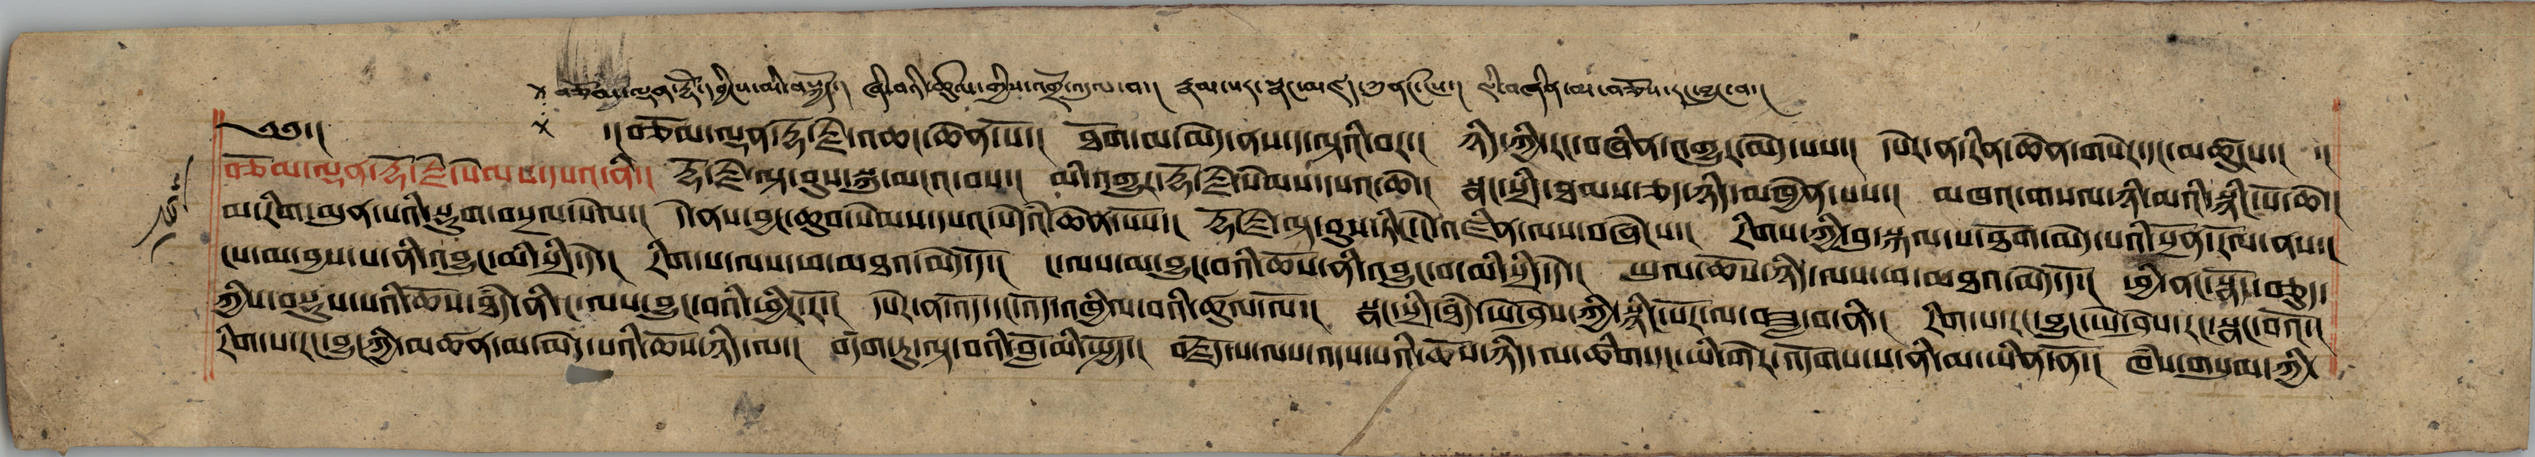མཚན་ལྡན་རྡོེ་དབྱིངས་མི་བསྐྱོད་། ཞི་བའི་ཚུལ་གྱིས་འགྲོ་འདུལ་བ་། རྣམ་པར་སྣང་མཛད་ཀུནཟང་ངེས་། ཇི་བཞིན་མ་བཅོས་རང་བྱུང་བ་།
༄༅་། ་།བཅོམ་ལྡན་རྡོ་རྗེ་འཆང་ཆེན་པོ་། ཐོག་མ་མེད་ནས་ད་ལྟའི་བར་། ཉིད་ཀྱི་རང་བཞིན་འགྱུར་མེད་པས་། དཔེར་ན་རིན་ཆེན་གསེར་དང་མཚུངས་། ་།
བཅོམ་ལྡན་རྡོ་རྗེ་སེམས་དཔའ་ནི་། རྡོ་རྗེ་ལྟ་བུས་སྐུ་མངའ་བས་། མི་འགྱུར་རྡོ་རྗེ་སེམས་དཔའ་ཆེ་། སྣང་སྲིད་ཐམས་ཅད་ཉིད་མཁྱེན་པས་། མཁའ་གསལ་ཉི་མའི་སྙིང་པོ་ཆེ་།
མ་རིག་མུན་པའི་སྡུག་བསྔལ་སེལ་། དེ་ནས་བྱང་ཆུབ་སེམས་དཔའ་སེཾདའ་ཆེན་པོས་། རྡོ་རྗེ་ལྟ་བུས་ཏིང་ངེ་འཛིན་ལས་བཞེངས་། རིགས་ཀྱི་བུ་སྐལ་པ་ཐོག་མེད་པའི་སྔོན་རོལ་ནས་།
ངས་མ་བྱས་པ་ནི་འབྱུང་མི་སྲིད་དེ་། རིག་པ་ལས་ཕ་མཐའ་མེད་དོ་། ང་ལས་མ་བྱུང་བའི་ཆོས་ནི་འབྱུང་བ་མི་སྲིད་དོ་། ཡུལ་ཆོས་ཉིད་ལས་ཕ་མཐའ་མེད་དོ་། ཕྱི་ནང་སྣོད་བཅུད་
ཀྱིས་བསྡུས་པའི་ཆོས་ཐཾད་ནི་ང་ལས་བྱུང་བའི་ཕྱིར་རོ་། དཔེར་ན་འོད་དང་འོད་འཁྱིལ་བའི་ཚུལ་ལོ་། སྣང་སྲིད་ཐཾད་ཡེ་ཤེས་ཀྱི་སྙིང་པོར་ལ་བཟླ་བ་ནི་། རིག་པ་རང་བྱུང་ཡེ་ཤེས་རང་སྣང་བའོ་།
རིག་པ་རང་བྱུང་ཀྱི་མཚན་མ་མེད་པའི་ཆོས་ཉིད་ལ་། བདག་ཏུ་ལྟ་བའི་བློ་མི་སྤྱོད་། བརྗོད་པ་ལས་འདས་པའི་ཆོས་ཉིད་ལ་ཚིག་དང་ཡི་གེར་འདོགས་པ་ནི་མ་ཡིན་ནོ་། ཁཾས་གསུམ་གྱི་